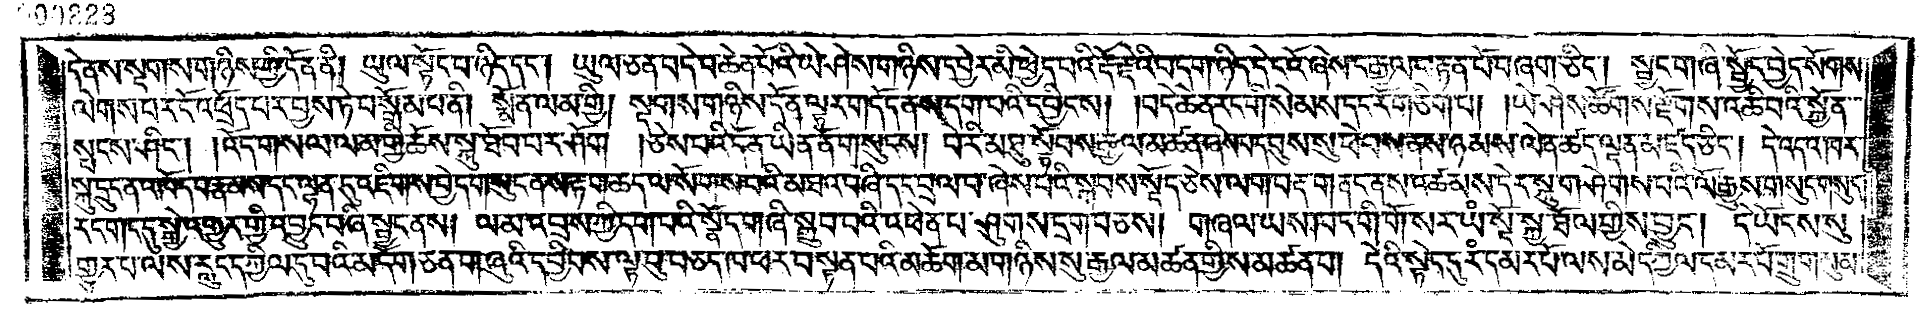དེ་ནས་སྔགས་གཉིས་ཀྱི་དོན་ནི། ཡུལ་སྟོང་པ་ཉིད་དང་། ཡུལ་ཅན་བདེ་བ་ཆེན་པོའི་ཡེ་ཤེས་གཉིས་དབྱེར་མི་ཕྱེད་པའི་རྡོ་རྗེའི་བདག་ཉིད་དེ་ངའོ་ཞེས་ང་རྒྱལ་བརྟན་པོ་བཞག་ཅིང་། སྦྱང་གཞི་སྦྱོང་བྱེད་སོགས་
ལེགས་པར་ངོ་འཕྲོད་པར་བྱས་ཏེ་བསྒོམ་པ་ནི། སྨོན་ལམ་གྱི། སྔགས་གཉིས་དོན་ལྟར་གདོད་ནས་དག་པའི་དབྱིངས། །བདེ་ཆེན་རང་གི་སེམས་དང་རོ་གཅིག་པ། །ཡེ་ཤེས་ཚོགས་རྫོགས་འཆི་བའི་སྐྱོན་
སྤངས་ཤིང་། །འོད་གསལ་ལམ་གྱི་ཆོས་སྐུ་ཐོབ་པར་ཤོག །ཅེས་པའི་དོན་ཡིན་ནོ་གསུངས། བེ་རི་མཐུ་སྟོབས་རྒྱལ་མཚན་ཞེས་པ་དབུས་སུ་ཕེབས་ནས་ཉམས་ལེན་ཚད་ལྡན་མཛད་ཅིང་། དེ་འདའ་ཁར་
སྐུ་དྲུང་ན་འཁོད་པ་རྣམས་དང་ལྷན་དུ་འཇིགས་བྱེད་གསུང་ནས་རྟག་ཆད་ལ་སོགས་པའི་མཐའ་བཞི་དང་བྲལ་བ་ཞེས་པའི་སྐབས་སྡོད་ཅེས་ལག་བརྡ་གནང་ནས་འཚམས་དེར་སྐུ་གཤེགས་པའི་ལོ་རྒྱུས་གསུང་གསུང་
རང་གང་དུ་སྐྱེ་འགྱུར་གྱི་འབྱུང་བཞི་སྦྱང་ནས། ལམ་འབྲས་ཀྱི་དག་པའི་སྣོད་གཞི་སྒྲུབ་པའི་འཕེན་པ་ཤུགས་དྲག་བཅས། གཞལ་ཡས་ཁང་གི་གོ་སར་ཡཾ་སྔོ་སྐྱ་ཐོལ་གྱིས་བྱུང་། དེ་ཡོངས་སུ་
གྱུར་པ་ལས་རླུང་དཀྱིལ་དུ་བའི་མདོག་ཅན་གཞུའི་དབྱིབས་ལྟ་བུ་བཅད་ཁ་ཕར་བསྟན་པའི་མཆོག་མ་གཉིས་སུ་རྒྱལ་མཚན་གྱིས་མཚན་པ། དེའི་སྟེང་དུ་རཾ་དམར་པོ་ལས་མེད་ཀྱིལ་དམར་པོ་གྲུ་གསུམ་